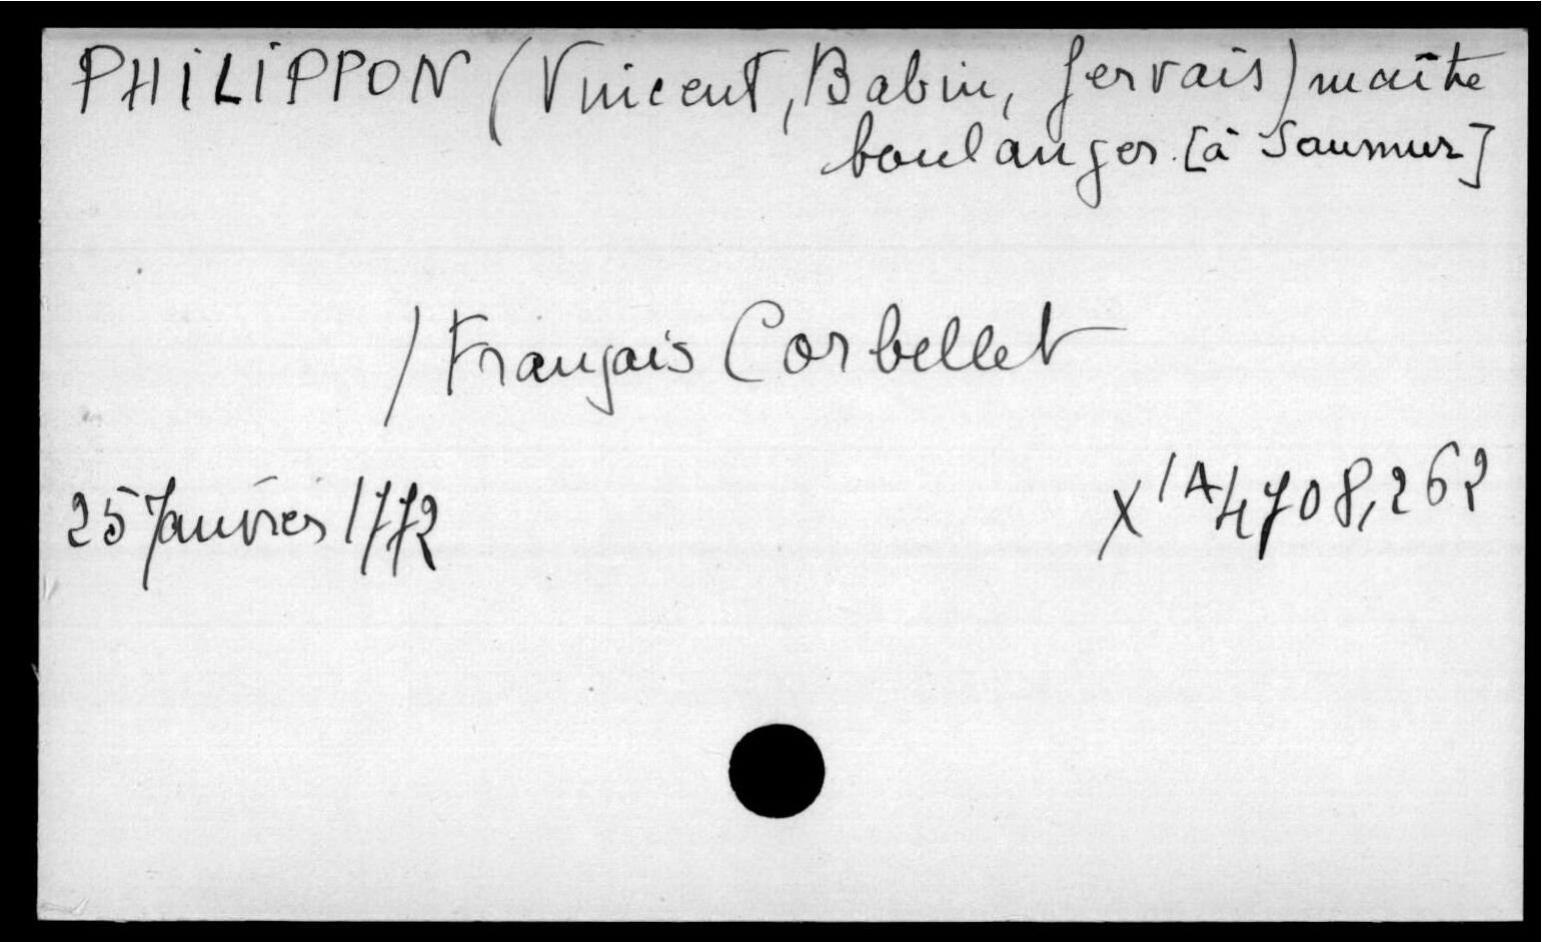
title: PHILIPPON (Vincent, Babin, Gervais) maître boulanger [à Saumur]
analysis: Contre François Corbellet
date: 25 janvier 1772
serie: X1A
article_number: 4708
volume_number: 262
